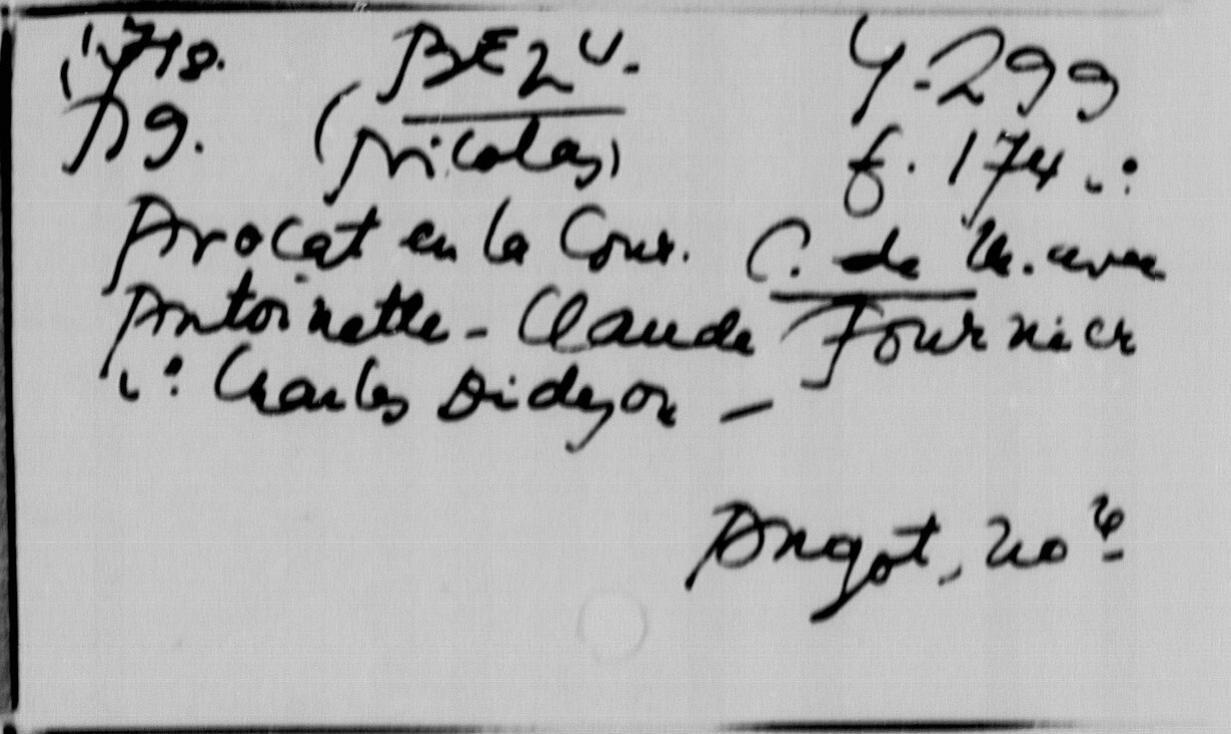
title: BELU (Nicolas)
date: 1718-1719
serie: Y
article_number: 299
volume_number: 174v
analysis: Avocat en la cour. Contrat de mariage avec Antoinetle-Claude Fournier, veuve Charles Didyon. Angot, notaire.
